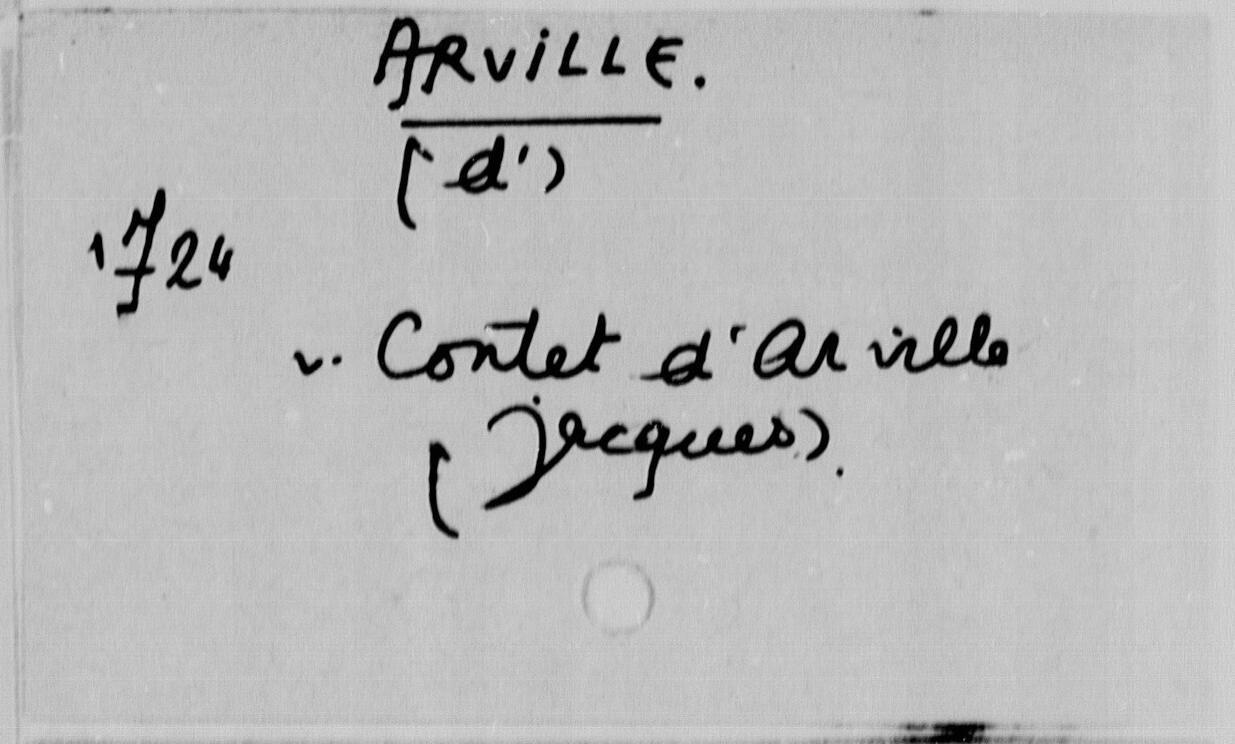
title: ARVILLE (d')
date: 1724
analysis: Voir Contet d'Arville (Jacques)
